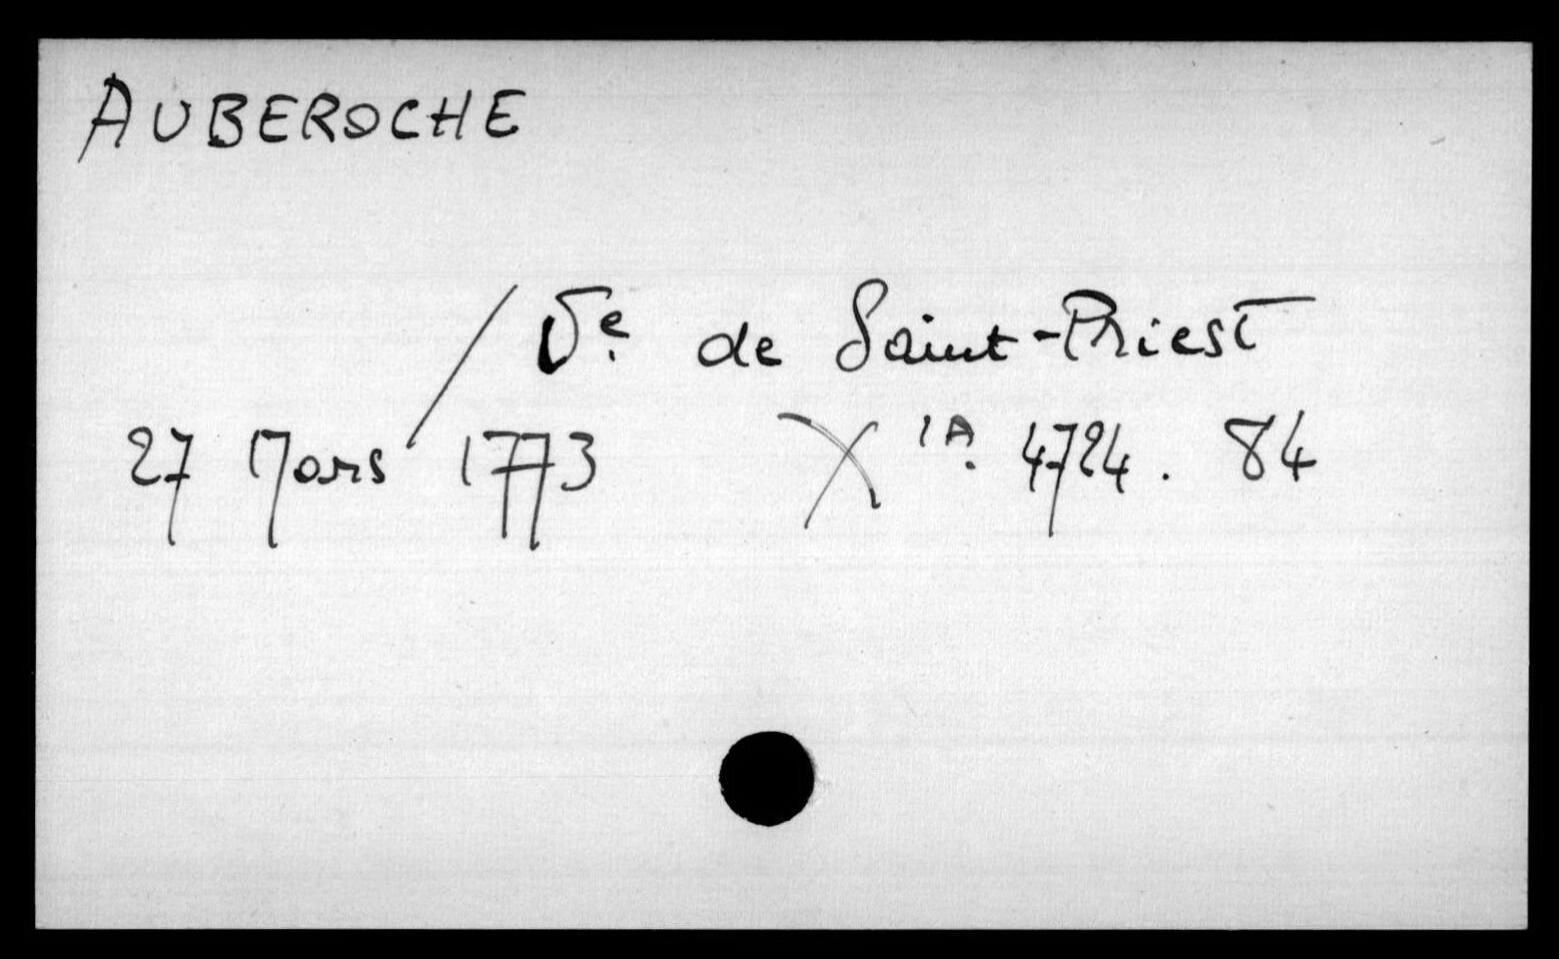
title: AUBEROCHE
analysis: Contre veuve de Saint-Priest
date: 27 mars 1773
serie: X1A
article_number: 4724
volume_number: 84
